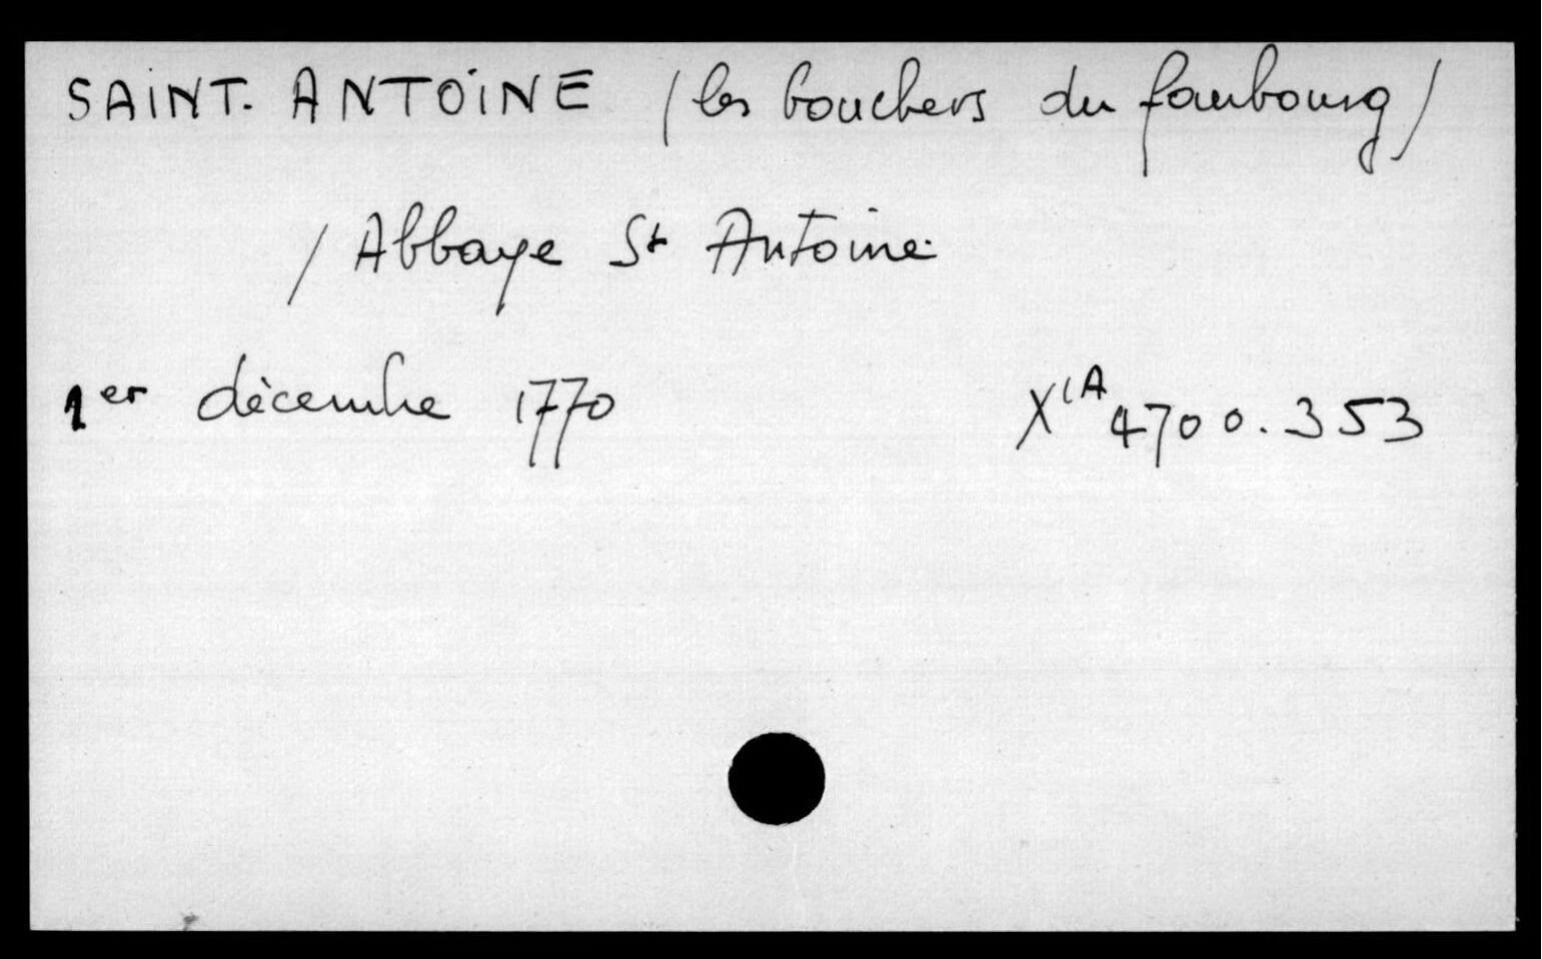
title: SAINT-ANTOINE (les bouchers du faubourg)
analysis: Contre Abbaye Saint-Antoine
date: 1 décembre 1770
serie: X1A
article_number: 4700
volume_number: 353
